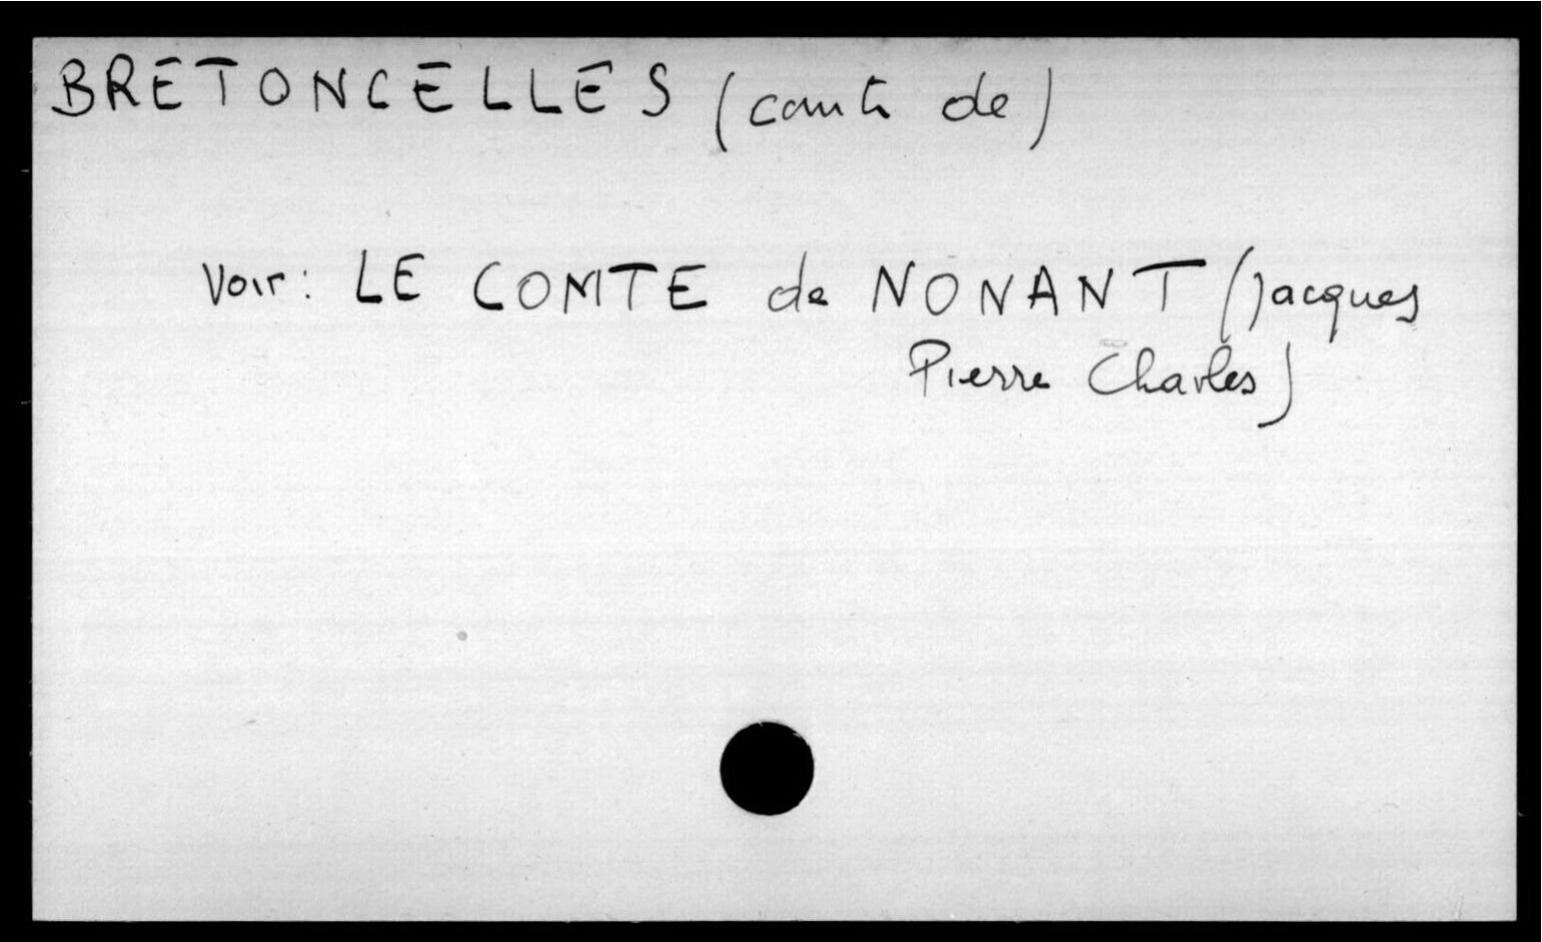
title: BRETONCELLES (comte de)
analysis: Voir : LE COMTE de NONANT (Jacques Pierre Charles)
